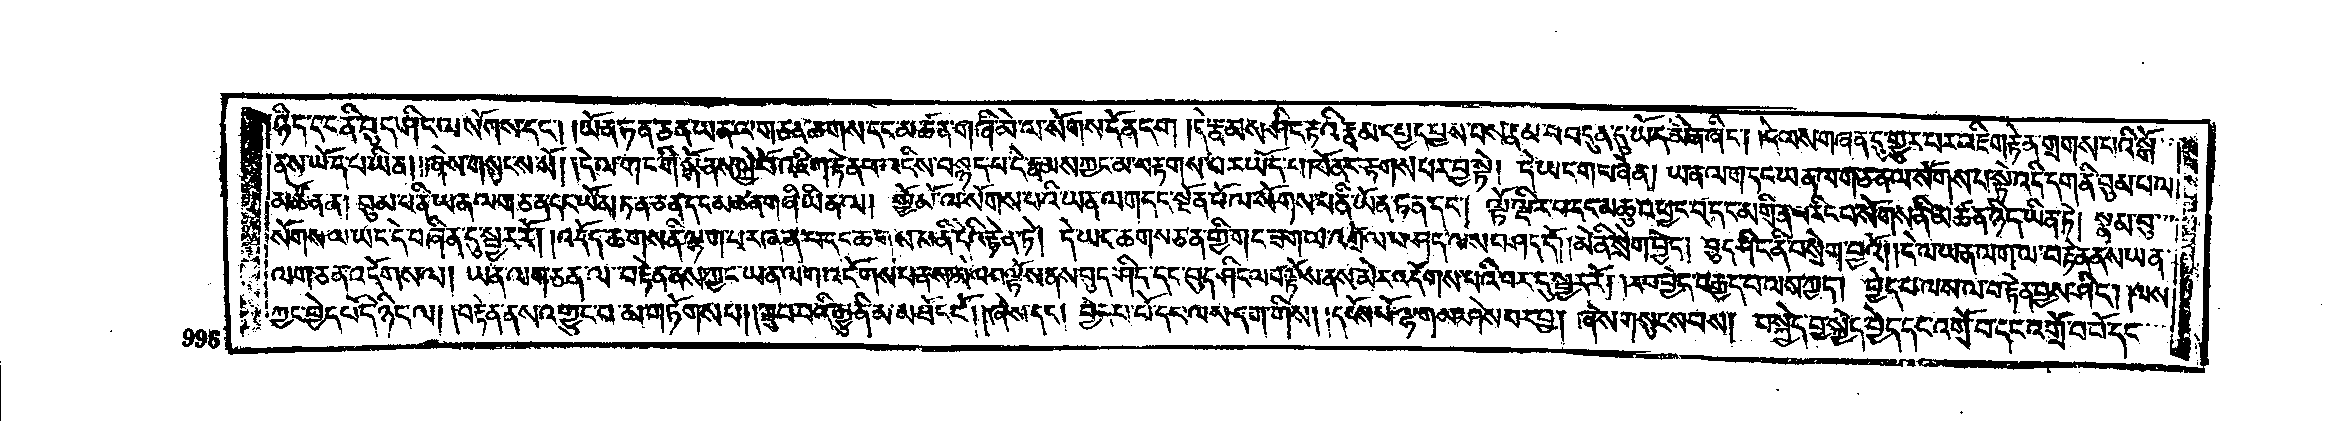ཉིད་དང་ནི་བུད་ཤིང་ལ་སོགས་དང་། །ཡོན་ཏན་ཅན་ཡན་ལག་ཅན་ཆགས་དང་མཚན་གཞི་མེ་ལ་སོགས་དོན་དག །དེ་རྣམས་ཤིང་རྟའི་རྣམ་དཔྱད་བྱས་པས་རྣམ་པ་བདུན་དུ་ཡོད་མིན་ཞིང་། །དེ་ལས་གཞན་དུ་གྱུར་པར་འཇིག་རྟེན་གྲགས་པའི་སྒོ་
ནས་ཡོད་པ་ཡིན། །ཞེས་གསུངས་སོ། །དེ་ལ་གང་གི་སྒོ་ནས་སྐྱེ་བོ་འཇིག་རྟེན་པ་འདིས་བསྙད་པ་དེ་རྣམས་ཀྱང་མ་བརྟགས་པར་ཡོད་པ་ཁོ་ནར་རྟོགས་པར་བྱ་སྟེ། དེ་ཡང་གང་ཞེ་ན། ཡན་ལག་དང་ཡན་ལག་ཅན་ལ་སོགས་པ་སྟེ་འདི་དག་ནི་བུམ་པ་ལ་
མཚོན་ན། བུམ་པ་ནི་ཡན་ལག་ཅན་དང་ཡོན་ཏན་ཅན་དང་མཚན་གཞི་ཡིན་ལ། གྱོ་མོ་ལ་སོགས་པའི་ཡན་ལག་དང་སྔོན་པོ་ལ་སོགས་པ་ནི་ཡོན་ཏན་དང་། ལྟོ་ལྡིར་བ་དང་མཆུ་འཕྱང་བ་དང་མགྲིན་པ་རིང་བ་སོགས་ནི་མཚན་ཉིད་ཡིན་ཏེ། སྣམ་བུ་
སོགས་ལ་ཡང་དེ་བཞིན་དུ་སྦྱར་རོ། །འདོད་ཆགས་ནི་ལྷག་པར་ཞེན་པ་དང་ཆགས་པ་ནི་དེའི་རྟེན་ཏེ། དེ་ཡང་ཆགས་ཅན་གྱི་གང་ཟག་ལ་འགྲེལ་བཤད་ལས་བཤད་དོ། །མེ་ནི་སྲེག་བྱེད། བུད་ཤིང་ནི་བསྲེག་བྱའོ། །དེ་ལ་ཡན་ལག་ལ་བརྟེན་ནས་ཡན་
ལག་ཅན་འདོགས་ལ། ཡན་ལག་ཅན་ལ་བརྟེན་ནས་ཀྱང་ཡན་ལག་འདོགས་པ་ནས་མེ་ལ་བལྟོས་ནས་བུད་ཤིང་དང་བུད་ཤིང་ལ་བལྟོས་ནས་མེར་འདོགས་པའི་བར་དུ་སྦྱར་རོ། །རབ་བྱེད་བརྒྱད་པ་ལས་ཀྱང་། བྱེད་པོ་ལས་ལ་བརྟེན་བྱས་ཤིང་། །ལས་
ཀྱང་བྱེད་པོ་དེ་ཉིད་ལ། །བརྟེན་ནས་འབྱུང་བ་མ་གཏོགས་པ། །གྲུབ་པའི་རྒྱུ་ནི་མ་མཐོང་ངོ། །ཞེས་དང་། བྱེད་པ་པོ་དང་ལས་དག་གིས། །དངོས་པོ་ལྷག་མ་ཤེས་པར་བྱ། །ཞེས་གསུངས་པས། བསྐྱེད་བྱ་སྐྱེད་བྱེད་དང་འགྲོ་བ་དང་འགྲོ་བ་པོ་དང་